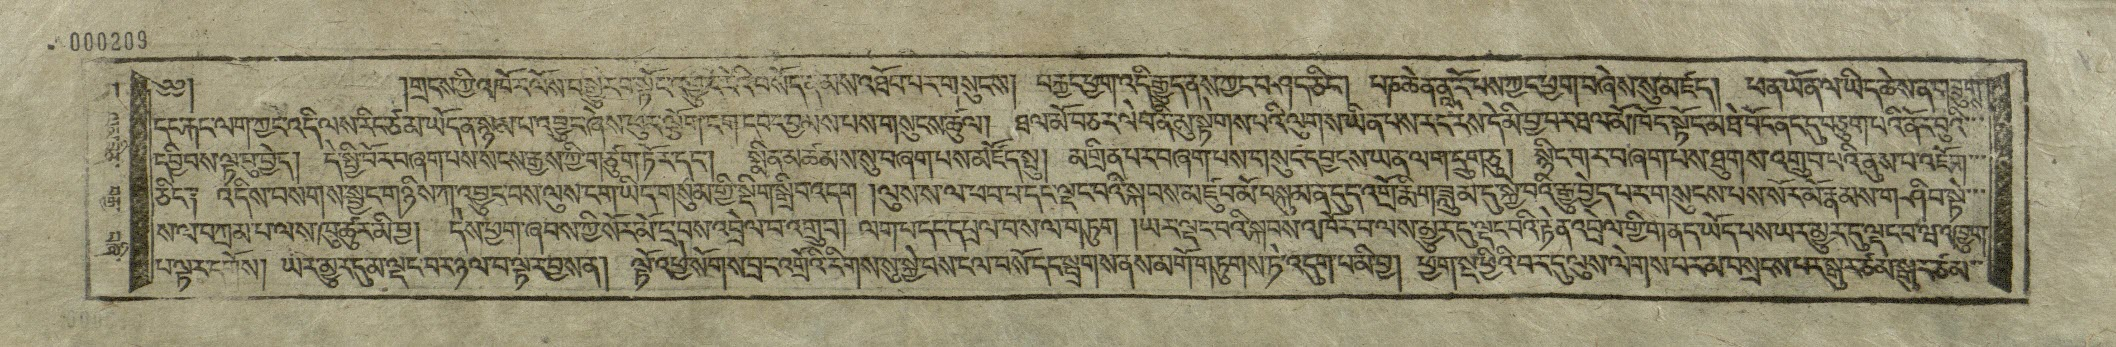༄༅། །གྲངས་ཀྱི་འཁོར་ལོས་བསྒྱུར་བ་སྟོང་འགྱུར་རེའི་བསོད་ནམས་འཐོབ་པར་གསུངས། བརྐྱང་ཕྱག་འདི་རྒྱུད་ནས་ཀྱང་བཤད་ཅིང་། པཎ་ཆེན་ནཱ་རོ་པས་ཀྱང་ཕྱག་བཞེས་སུ་མཛད། ཕན་ཡོན་ལ་ཡིད་ཆེས་ན་གཟུགས་
དང་རྐང་ལག་ཀྱང་འདི་ལས་རིང་ཙམ་ཡོད་ན་སྙམ་པ་འབྱུང་ཞེས་ཕུར་ལྕོག་ངག་དབང་བྱམས་པས་གསུངས་ཚུལ། ཐལ་མོ་བཅར་ལེབ་ནི་མུ་སྟེགས་པའི་ལུགས་ཡིན་པས་རང་རེས་དེ་མི་བྱ་བར་ཐལ་མོ་ཁོང་སྟོང་མཐེ་བོང་ནང་དུ་བཅུག་པའི་ནོར་བུའི་
དབྱིབས་ལྟ་བུ་བྱེད། དེ་སྤྱི་བོར་བཞག་པས་སངས་རྒྱས་ཀྱི་གཙུག་ཏོར་དང་། སྨིན་མཚམས་སུ་བཞག་པས་མཛོད་སྤུ། མགྲིན་པར་བཞག་པས་གསུང་དབྱངས་ཡན་ལག་དྲུག་ཅུ། སྙིང་གར་བཞག་པས་ཐུགས་འགྲུབ་པའི་ནུས་པ་འཇོག་
ཅིང༑ འདིས་བསགས་སྦྱང་གཉིས་ཀ་འབྱུང་བས་ལུས་ངག་ཡིད་གསུམ་གྱི་སྡིག་སྒྲིབ་འདག །ལུས་ས་ལ་ཕབ་པ་དང་ལྡང་བའི་སྐབས་མཛུབ་མོ་བསྐུམ་ན་དུད་འགྲོ་རྨིག་ཟླུམ་དུ་སྐྱེ་བའི་རྒྱུ་བྱེད་པར་གསུངས་པས་སོར་མོ་རྣམས་གཤིབ་སྟེ་
ས་ལ་བཀྲམ་པ་ལས་ཁུ་ཚུར་མི་བྱ། དེས་ཕྱག་ཞབས་ཀྱི་སོར་མོ་དྲ་བས་འབྲེལ་བ་འགྲུབ། ལག་པ་དང་དཔྲལ་བ་ས་ལ་གཏུག །ཡར་ལྡང་བའི་སྐབས་འཁོར་བ་ལས་མྱུར་དུ་ལྡང་བའི་རྟེན་འབྲེལ་གྱི་གནད་ཡོད་པས་ཡར་མྱུར་དུ་ལྡང་བ་ཝ་འཁྱུག་
པ་ལྟར་དགོས། ཡར་མྱུར་དུ་མ་ལྡང་བར་ཉལ་བ་ལྟར་བྱས་ན། ལྟོ་འཕྱེ་སོགས་བྲང་འགྲོའི་རིགས་སུ་སྐྱེ་བས་ངལ་བསོ་དང་སྦྲགས་ནས་མགོ་གཏུགས་ཏེ་འདུག་པ་མི་བྱ། ཕྱག་སྔ་ཕྱིའི་བར་དུ་ལུས་ལེགས་པར་མ་བསྲངས་པར་སྒུར་ཙམ་སྒུར་ཙམ་